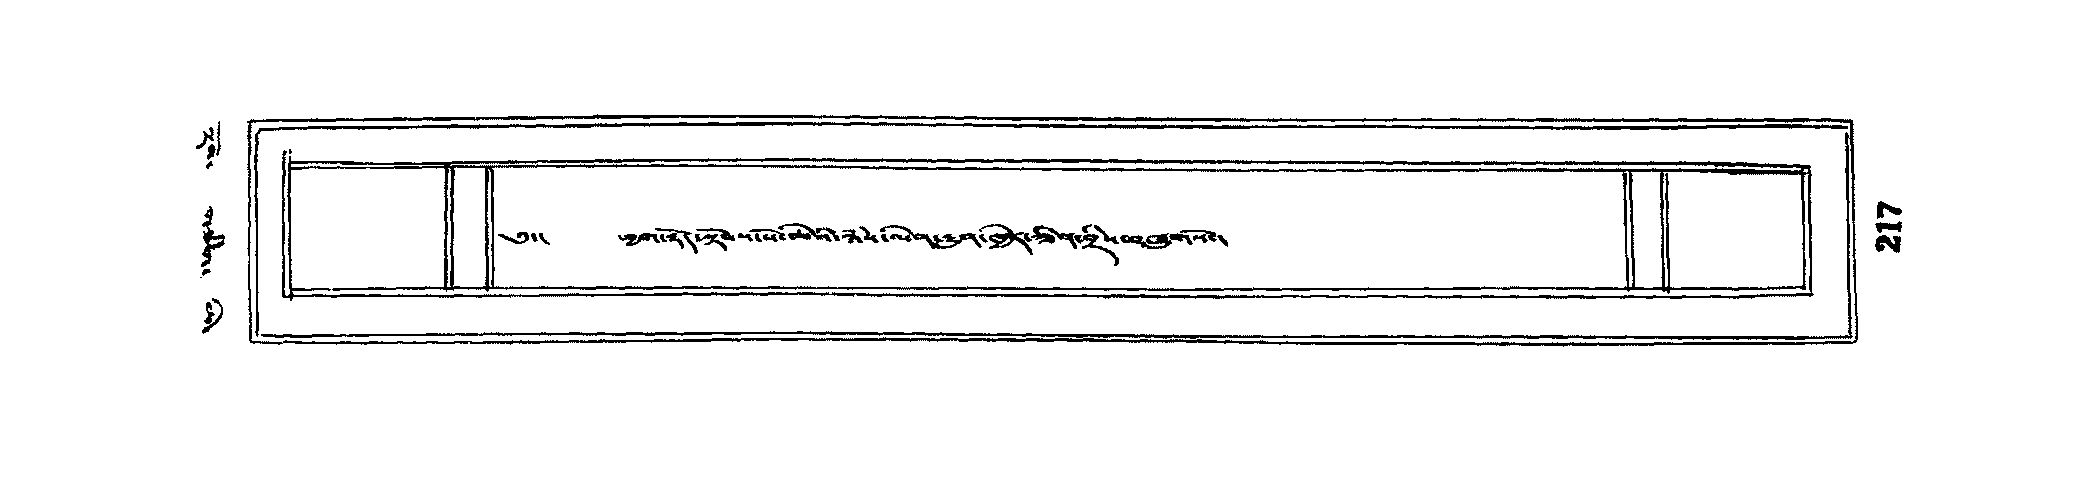༄། ཕྱག་རྡོར་སྟོབ་པོ་ཆེའི་ཉམས་ལེན་རྒྱུན་ཁྱེར་ཟིན་བྲིས་བཞུགས་སོ།།